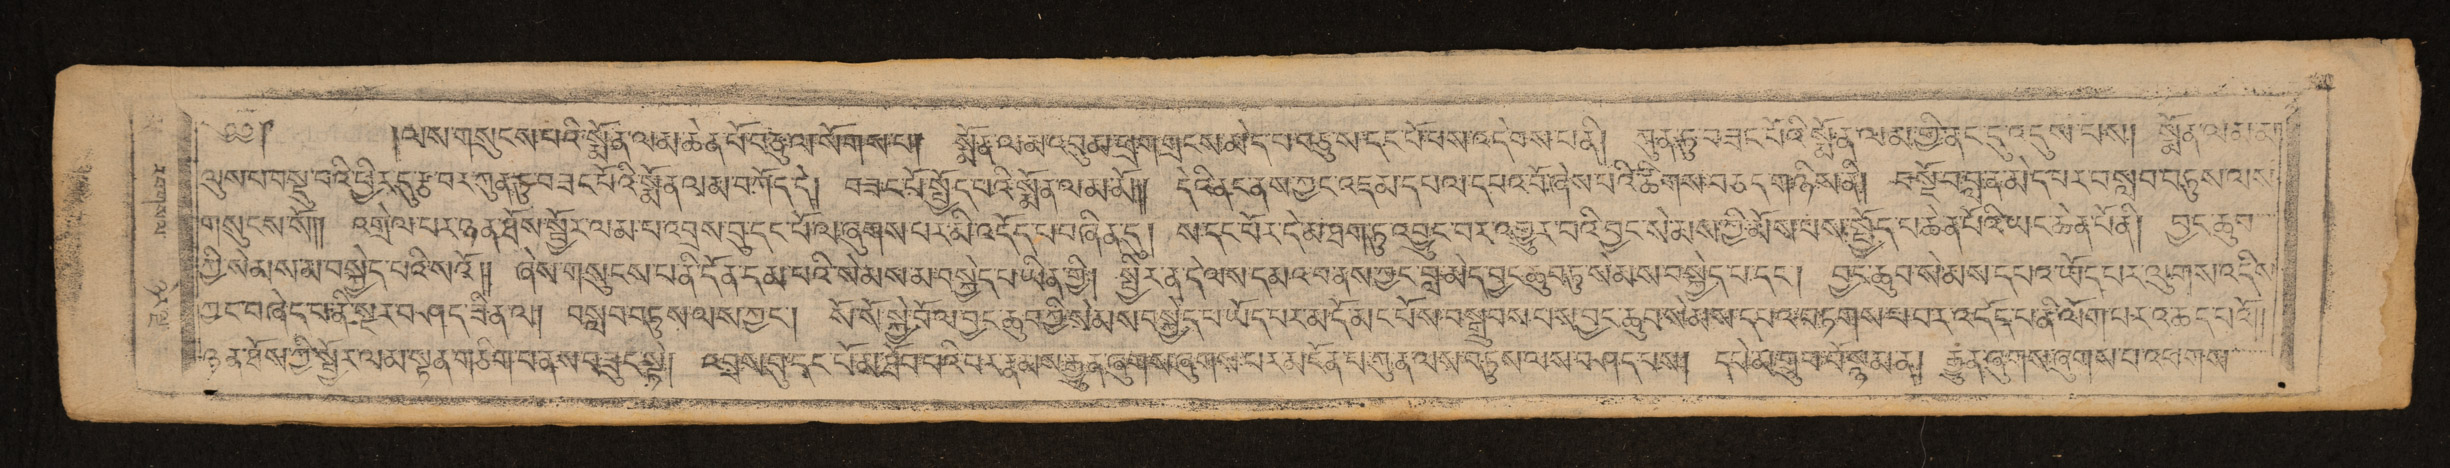༄༅། །ལས་གསུངས་པའི་སྨོན་ལམ་ཆེན་པོ་བཅུ་ལ་སོགས་པ། སྨོན་ལམ་འབུམ་ཕྲག་གྲངས་མེད་པ་བཅུ་ས་དང་པོ་བས་འདེབས་པ་ནི། ཀུན་ཏུ་བཟང་པོའི་སྨོན་ལམ་གྱི་ནང་དུ་འདུས་པས། སྨོན་ལམ་མ་
ལུས་པ་བསྡུ་བའི་ཕྱིར་དུ་རྩ་བར་ཀུན་ཏུ་བཟང་པོའི་སྨོན་ལམ་བཀོད་དེ། བཟང་པོ་སྤྱོད་པའི་སྨོན་ལམ་མོ།། དེའི་ནང་ནས་ཀྱང་འཇམ་དཔལ་དཔའ་བོ་ཞེས་པའི་ཚིགས་བཅད་གཉིས་ནི། བསྔོ་བ་བླ་ན་མེད་པར་བསླབ་བཏུས་ལས་
གསུངས་སོ།། འགྲེལ་པར་ཉན་ཐོས་སྦྱོར་ལམ་པ་འབྲས་བུ་དང་པོ་ལ་ཞུགས་པར་མི་འདོད་པ་བཞིན་དུ། ས་དང་པོར་དེ་མ་ཐག་ཏུ་འབྱུང་བར་འགྱུར་བའི་བྱང་སེམས་ཀྱི་མོས་པས་སྤྱོད་པ་ཆེན་པོའི་ཡང་ཆེན་པོ་ནི། བྱང་ཆུབ་
ཀྱི་སེམས་མ་བསྐྱེད་པའི་སའོ།། ཞེས་གསུངས་པ་ནི་དོན་དམ་པའི་སེམས་མ་བསྐྱེད་པ་ཡིན་གྱི། སྤྱིར་ན་དེ་ལས་དམའ་བ་ནས་ཀྱང་བླ་མེད་བྱང་ཆུབ་ཏུ་སེམས་བསྐྱེད་པ་དང་། བྱང་ཆུབ་སེམས་དཔའ་ཡོད་པར་ལུགས་འདིས་
ཀྱང་བཞེད་པ་ནི་སྔར་བཤད་ཟིན་ལ། བསླབ་བཏུས་ལས་ཀྱང་། སོ་སོ་སྐྱེ་བོ་ལ་བྱང་ཆུབ་ཀྱི་སེམས་བསྐྱེད་པ་ཡོད་པར་མདོ་མང་པོས་བསྒྲུབས་པས་བྱང་ཆུབ་སེམས་དཔའ་བཏགས་པ་བར་འདོད་པ་ནི་ལོག་པར་འཆད་པའོ།།
ཉན་ཐོས་ཀྱི་སྦྱོར་ལམ་སྟན་གཅིག་པ་ནས་བཟུང་སྟེ། འབྲས་བུ་དང་པོ་མ་ཐོབ་པའི་བར་རྣམས་རྒྱུན་ཞུགས་ཞུགས་པར་མངོན་པ་ཀུན་ལས་བཏུས་ལས་བཤད་པས། དཔེ་མ་གྲུབ་བོ་སྙམ་ན། རྒྱུན་ཞུགས་ཞུགས་པ་འཕགས་